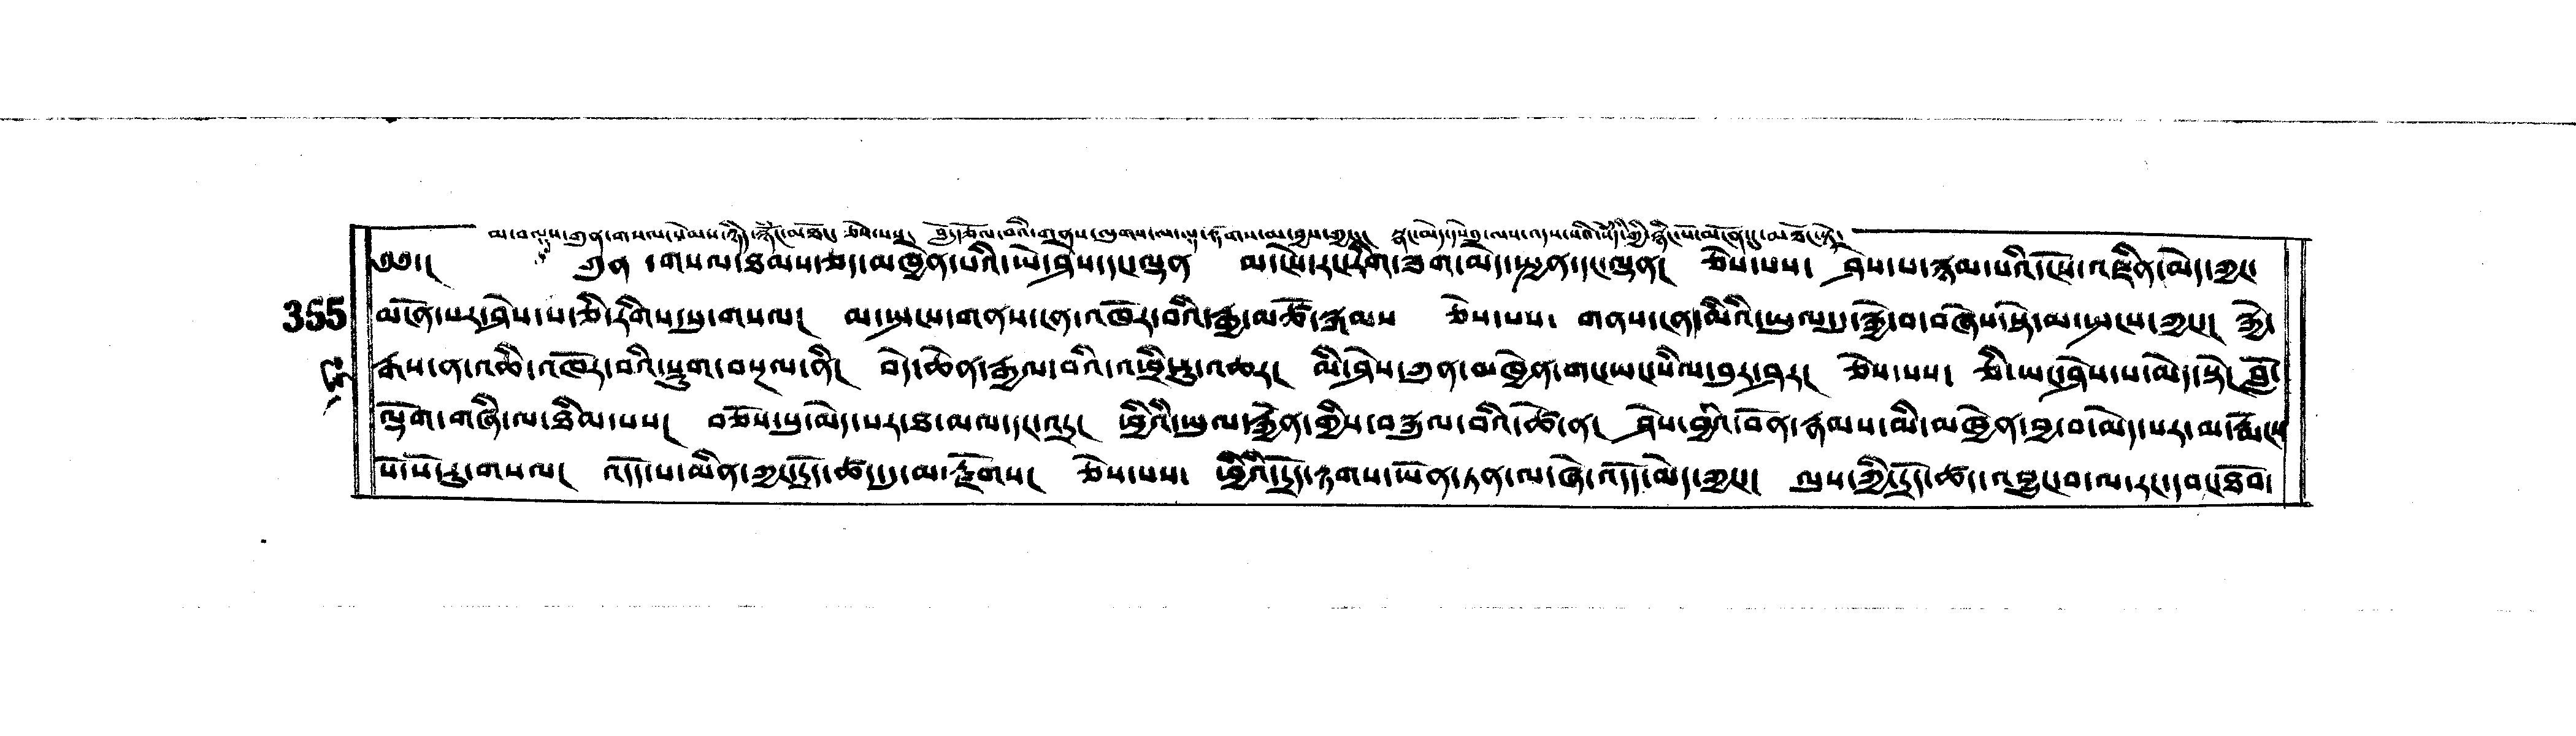ཀུན་གསལ་སེམས་ཉིད་སྙིང་པོ་མཐོང་། ཅེས་པས་བློ་རྩོལ་བའི་གནས་ལུགས་ལ་ལྟ་རྟོག་མ་བྱས་ཀྱང་། སྣང་མེད་དཔེ་ལས་འདས་པའི་སེམས་ཉིད་ཀྱི་སྙིང་པོ་མངོན་དུ་མཐོང་སྟེ། 
ཀུན་གསལ་ཐམས་ཅད་མཁྱེན་པའི་ཡེ་ཤེས་དང་ལྡན། མ་ངེས་རང་རིག་ཟག་མེད་སྤྱན་དང་ལྡན། ཅེས་པས་ ཤེས་པ་སྙམ་པའི་ངོས་འཛིན་མེད་ཀྱང་། 
མངོན་པར་ཤེས་པ་ཅི་རིགས་སུ་གསལ། མ་སྤངས་གནས་ངན་འཁོར་བའི་རྒྱ་མཚོ་སྐམས། ཅེས་པས། གནས་ངན་མིའི་ཡུལ་དུ་སྐྱེ་བ་བཞེས་ཏེ་མ་སྤངས་ཀྱང་། སྐྱེ་
རྒ་ན་འཆི་འཁོར་བའི་སྡུག་བསྔལ་ནི། བདེ་ཆེན་རྒྱལ་བའི་འཕྲིན་ལས་སུ་འཆར། མི་ཤེས་ཀུན་མཁྱེན་གང་ཡང་སིལ་བུར་ཤར། ཅེས་པས། ཅི་ཡང་ཤེས་པ་མེད་སྟེ། བློ་
ལྡོག་བཞི་ལ་ཐིམ་པས། བཅོས་སུ་མེད་པར་ཐ་མལ་དང་འདྲ། ཕྱིའི་ཡུལ་རྐྱེན་གྱིས་བསྐུལ་བའི་ཚེ་ན། ཤེས་བྱའི་བོན་རྣམས་མི་མཁྱེན་བྱ་བ་མེད་པར་མ་རྨོངས་
སོ་སོ་རུ་གསལ། འདོད་པ་མིན་ཀྱང་དྲོད་ཚད་དུ་མ་རྫོགས། ཅེས་པས། ཕྱིའི་དྲོད་རྟགས་ཡོན་ཏན་ལ་ཞེ་འདོད་མེད་ཀྱང་། ལུས་ཀྱི་དྲོད་ཚད་འབྱུང་བ་ལ་རང་དབང་ཐོབ།